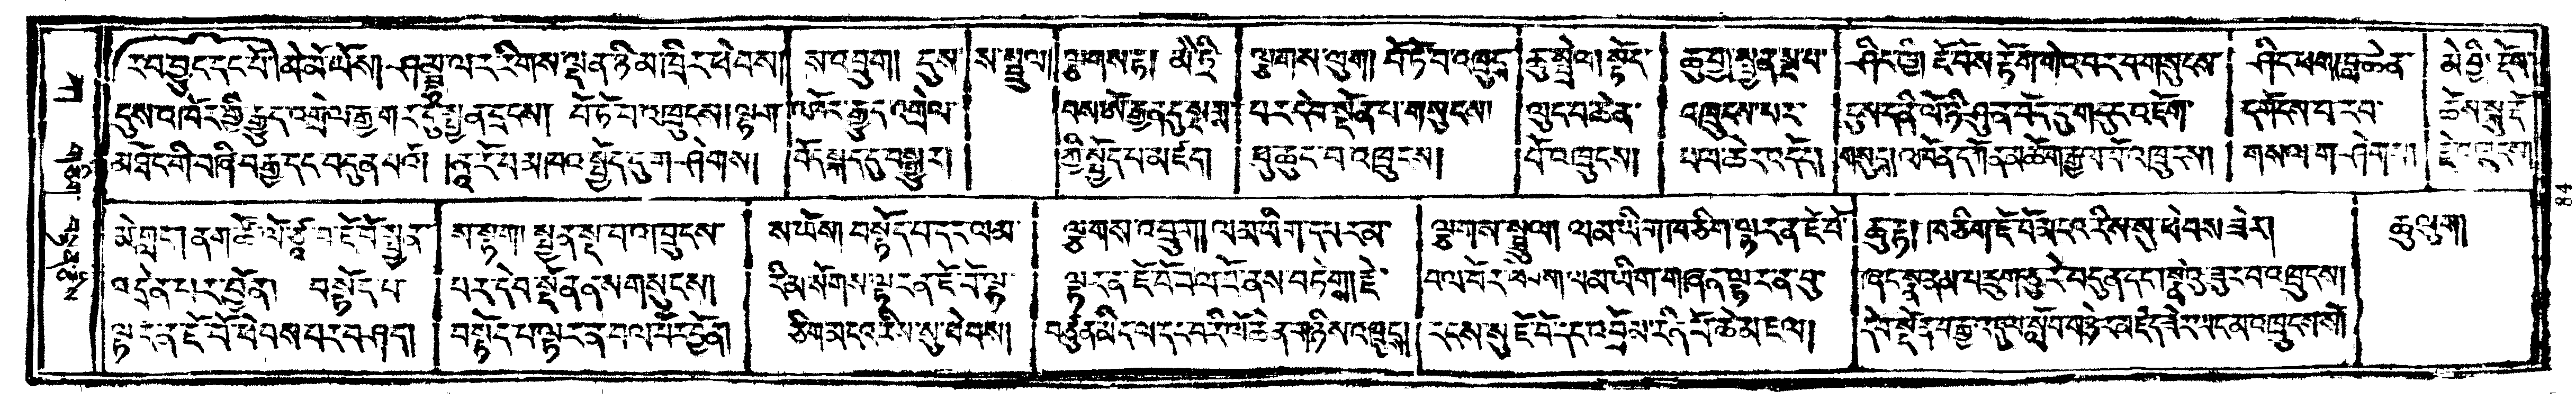རབ་བྱུང་དང་པོ་མེ་ལོ་ཡོས། །ཤམྦྷ་ལར་རིགས་ལྡན་ཉི་མ་ཁྲིར་ཕེབས། །ས་འབྲུག །དུས་ས་སྦྲུལ། ལྕགས་རྟ། མི་ཏྲི་ལྕགས་ལུག། བོ་ཏོ་བ་འཁྲུངས་ཆུ་སྤྲེལ། སྟོང་ཆུ་བྱ། སྤྱན་སྔ་པ་ཤིང་ཁྱི། རྔོ་བོས་རྟོག་གེའ་བར་བ་གསུངས་ཤིང་ཕག། བླ་ཆེན་མེ་བྱི་རྡོག་
དུས་འཁོར་གྱི་རྒྱུད་འགྲེལ་རྒྱ་གར་དུ་སྤྱན་དྲངས། པོ་ཏོ་བ་འཁྲུངས། ལྷག་འཁོར་རྒྱུད་འགྲེལ་བས་ཨོ་རྒྱན་དུ་སྔགས་པར་དེབ་སྔོན་པ་གསུངས། ལུང་བ་ཆེན་འཁྲུངས་པར་དུས་ད་ནི་ལོ་ཉི་ཤུན་བོད་དུ་གདུང་འཇོག་དགོངས་བ་རབ་ཆེས་སྐུ་རྡོ་
མཐོང་གི་བཞི་བརྒྱ་དང་བདུན་པའོ། །ནཱ་རོ་བ་མཁའ་སྤྱོད་དུ་གཤེགས། བོད་སྐད་དུ་བསྒྱུར། ཀྱི་སྤྱོད་པ་མཛད། ཕུ་ཆུང་བ་འཁྲུངས། བོ་འཁྲུངས། ཕལ་ཆེར་འདོད། གསུངས། འཁོན་དཀོན་མཆོག་རྒྱལ་པོ་འཁྲུངས། གསལ་གཤེགས། རྗེ་འཁུངས།
མེ་གླང་། ནག་ཚོ་ལོ་ཙཱ་བ་ཇོ་བོ་སྤྱན་ས་སྟག། སྤྱན་སྔ་པ་འཁྲུངས་ས་ཡོས། བསྟོད་པ་དང་ལམ་ལྕགས་འབྲུག། ལམ་ཡིག་དཔར་མ་ལྕགས་སྦྲུལ། ལམ་ཡིག་ཁ་ཅིག་ལྟར་ན་ཇོ་བོ་ཆུ་རྟ། ཁ་ཅིག་ཇོ་བོ་མངའ་རིས་སུ་ཕེབས་ཟེར། ཆུ་ལུག །
འདྲེན་པར་བྱོན། བསྟོད་པ། བར་དེབ་སྔོན་ནས་གསུངས། རིམ་སོགས་ལྟར་ན་ཇོ་བོ་ལྷ་ལྟར་ན་ཇོ་བོ་བལ་པོ་ནས་བཏེགས། རྗེ་བལ་བོར་ཕེབས། ལམ་ཡིག་གཞན་ལྟར་ན་བུ་ཞང་སྣ་ནམ་པ་དྲུག་ཅུ་རེ་བདུན་དང་། སྣེའུ་ཟུར་བ་འཁྲུངས་
ལྟར་ན་ཇོ་བོ་ཕེབས་པར་བཤད། བསྟོད་པ་ལྟར་ན་བལ་པོར་བྱོན། ཅིག་མངའ་རིས་སུ་ཕེབས། །བཙུན་མིད་ལ་དང་བ་རི་ལོ་ཆེན་གཉིས་འཁྲུངས། །དངས་སུ་ཇོ་བོ་དང་འབྲོམ་རིན་པོ་ཆེ་མཇལ། དེབ་སྔོན་པ་རྒྱ་འདུག་སློབ་གཉེར་མཛེད་ཟེར་ཡང་མ་འཁྲུངས་སོ།